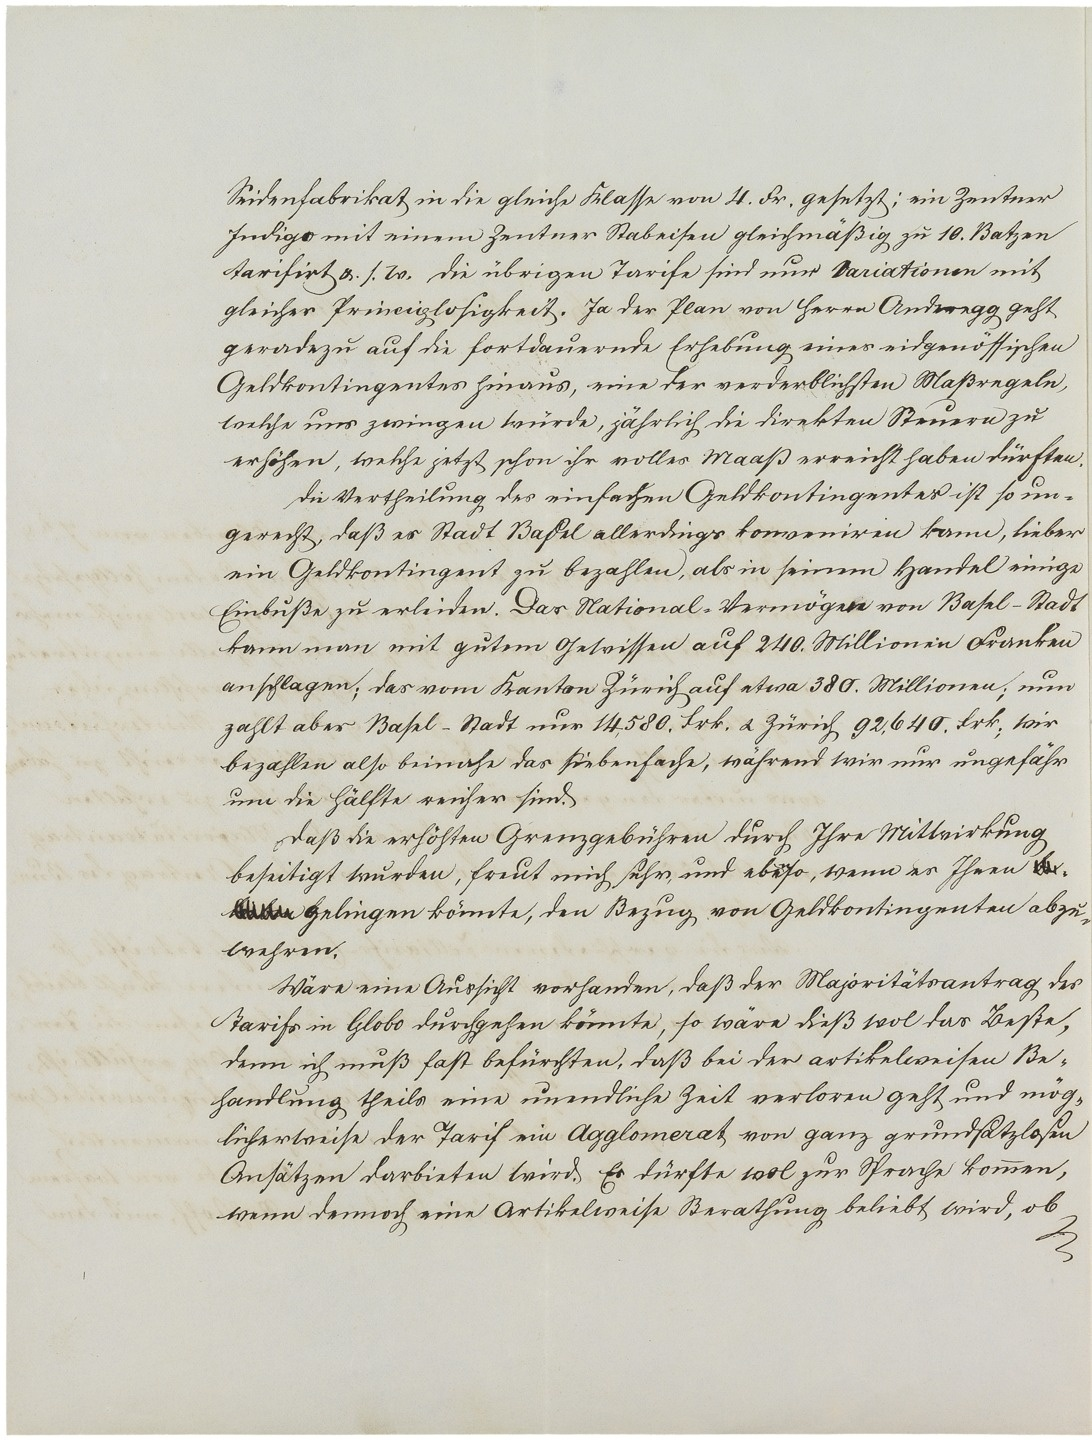Seidenfabrikat in die gleiche Klasse von 4. Fr. gesetzt; ein Zentner
Indigo mit einem Zentner Stabeisen gleichmäßig zu 10. Batzen
tarifirt u. s. w. die übrigen Tarife sind nur Variationen mit
gleicher Principlosigkeit. Ja der Plan von Herrn Anderegg geht
geradezu auf die fortdauernde Erhebung eines eidgenössischen
Geldkontingentes hinaus, eine der verderblichsten Maßregeln,
welche uns zwingen würde, jährlich die direkten Steuern zu
erhöhen, welche jetzt schon ihr volles Maaß erreicht haben dürften.
Die Vertheilung des einfachen Geldkontingentes ist so un-
gerecht, daß es Stadt Basel allerdings konveniren kann, lieber
ein Geldkontingent zu bezahlen, als in seinem Handel einige
Einbuße zu erleiden. Das National-Vermögen von Basel-Stadt
kann man mit gutem Gewissen auf 240. Millionen Franken
anschlagen; das vom Kanton Zürich auf etwa 380. Millionen; nun
zahlt aber Basel-Stadt nur 14,580. Frk. & Zürich 92,640. Frk; wir
bezahlen also beinahe das Siebenfache, während wir nur ungefähr
um die Hälfte reicher sind.
Daß die erhöhten Grenzgebühren durch Ihre Mitwirkung
beseitigt wurden, freut mich sehr, und ebenso, wenn es Ihnen be-
lieben gelingen könnte, den Bezug von Geldkontingenten abzu-
wehren.
Wäre eine Aussicht vorhanden, daß der Majoritätsantrag des
Tarifs in Globo durchgehen könnte, so wäre dieß wol das Beste,
denn ich muß fast befürchten, daß bei der artikelweisen Be-
handlung theils eine unendliche Zeit verloren geht und mög-
licherweise der Tarif ein Agglomerat von ganz grundsatzlosen
Ansätzen darbieten wird. Es dürfte wol zur Sprache kommen,
wenn dennoch eine artikelweise Berathung beliebt wird, ob